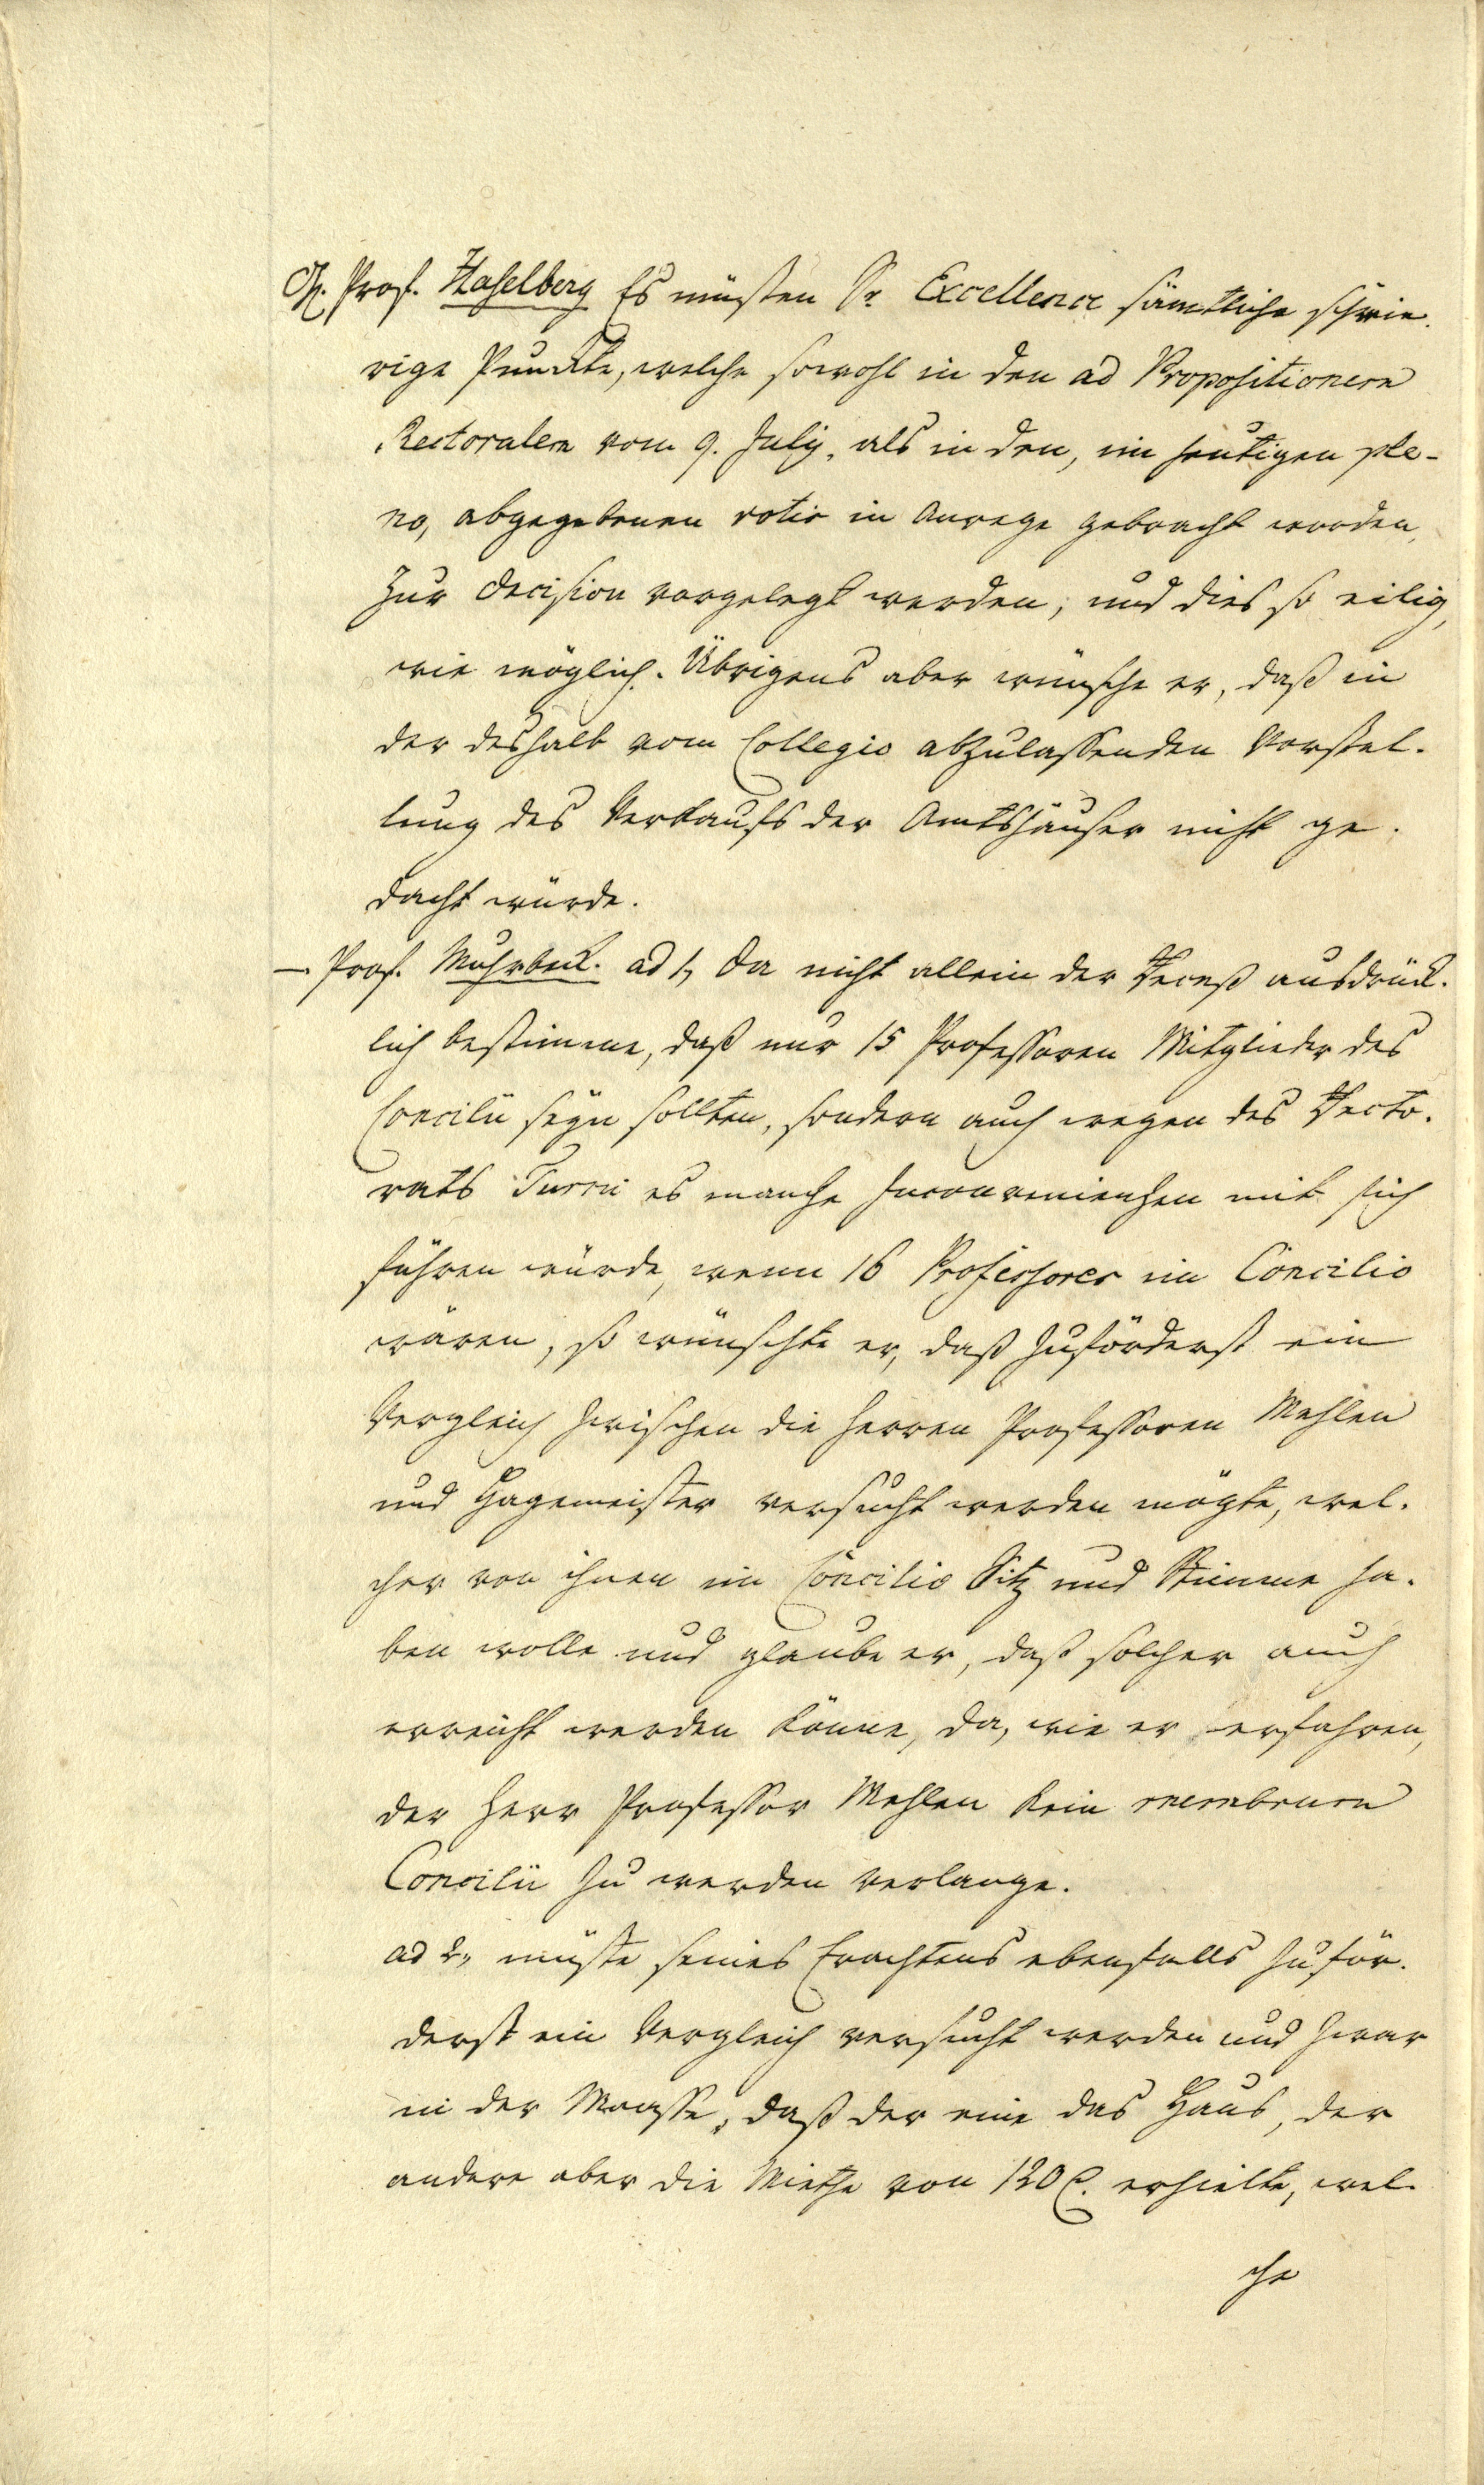dh. Prof. Haselberg. Es müsten Sr. Excellence sämtliche schwie¬
rige Punckte, welche sowohl in den ad Propositionem
Rectoratem vom 9. Julÿ, als in den im heutigen ple¬
no, abgegebenen votis in Anrege gebracht werden,
Zur Decision vorgelegt werden, und dies so eilig
wie möglich. Übrigens aber wünsche er, daß in
der deshalb vom Collegio abzulassenden Vorstel¬
lung des Verkaufs der Amtshäuser nicht ge¬
dacht würde.
Prof. Muhrbeck. ad 1, da nicht allein der Receß ausdrück¬
lich bestimme, daß nur 15 Professoren Mitglieder des
Concilii seÿn sollten, sondern auch wegen des Recto¬
rats Turni es manche Inconvenienzen mit sich
führen würde, wenn 16 Professores im Concilio
wären, so wünschte er, daß zuförderst ein
Vergleich zwischen die herren Professoren Mehlen
und Hagemeister versucht werden mögte, wel¬
cher von ihnen im Concilio Sitz und Stimme ha¬
ben wolle und glaube er, daß solcher auch
erreicht werden könne, da, wie er erfahren,
der herr Professor Mehlen kein membrum
Concilii zu werden verlange.
ad 2., müste seines Erachtens ebenfalls zuför¬
derst ein Vergleich versucht werden und zwar
in der Maasse, daß der eine das Haus, der
andere aber die Miethe von 120 l. erhielte, wel¬
che